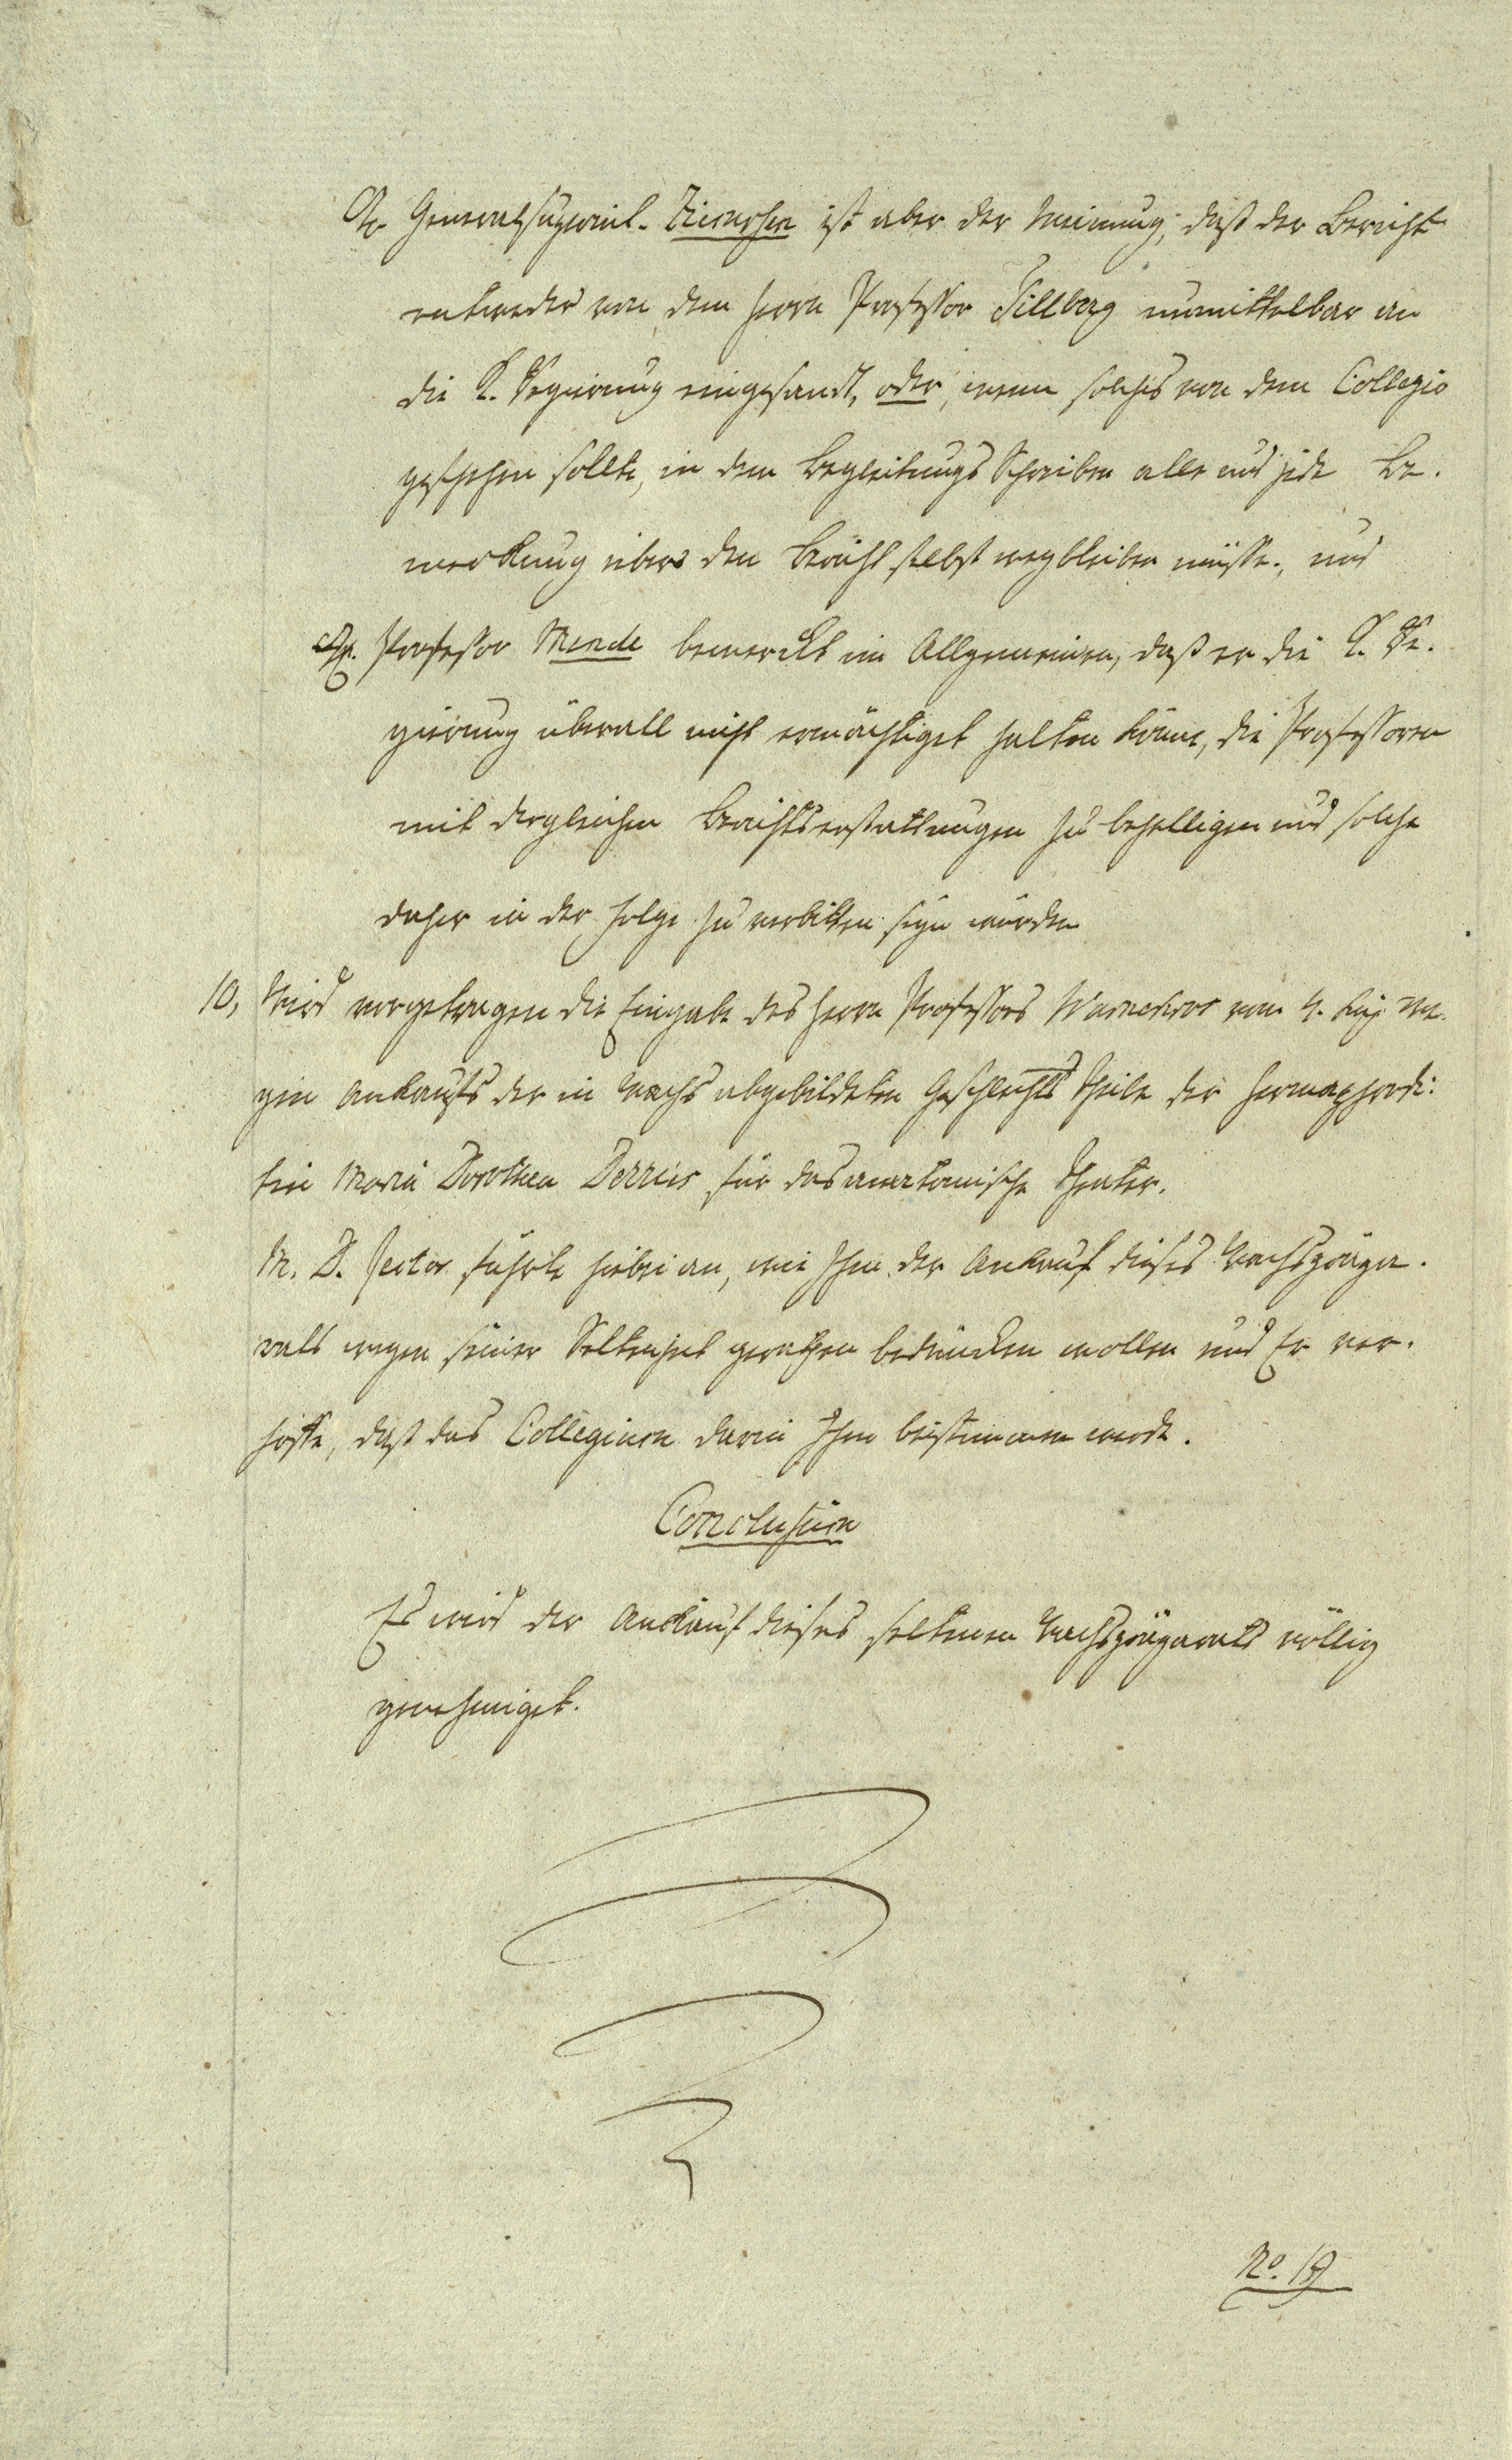dh. Generalsuperint. Ziemssen ist aber der Meinung, daß der Bericht
entweder von dem Herrn Professor Tillberg unmittelbar an
die K. Regierung eingesandt, oder, wenn solches von dem Collegio
geschehen sollte, in dem Begleitungs Schreiben alle und jede Be¬
merkung über den Bericht selbst wegbleiben müsse., und
dh. Professor Mende bemerckt im Allgemeinen, daß er die K Re¬
gierung überall nicht ermächtiget halten könne, die Professoren
mit dergleichen Berichtserstattungen zu behelligen und solche
daher in der Folge zu verbitten seÿn würden.
10, Wird vorgetragen die Eingabe des Herrn Professors Warnekros von 4. huj. we¬
gen Ankaufs der in Wachs abgebildeten Geschlechts Theile der Hermaphrodi¬
tin Marie Dorothea Derries für das anatomische Theater¬
M. D. Rector führte hiebei an, wie Ihm der Ankauf dieses Wachspräpa¬
rats wegen seiner Seltenheit gerathen bedüncken wollen und Er ver¬
hoffe, daß das Collegium darin Ihm beistimmen werde.
Conclusum
Es wird der Ankauf dieses seltenen Wachspräparats völlig
genehmiget.
No 19